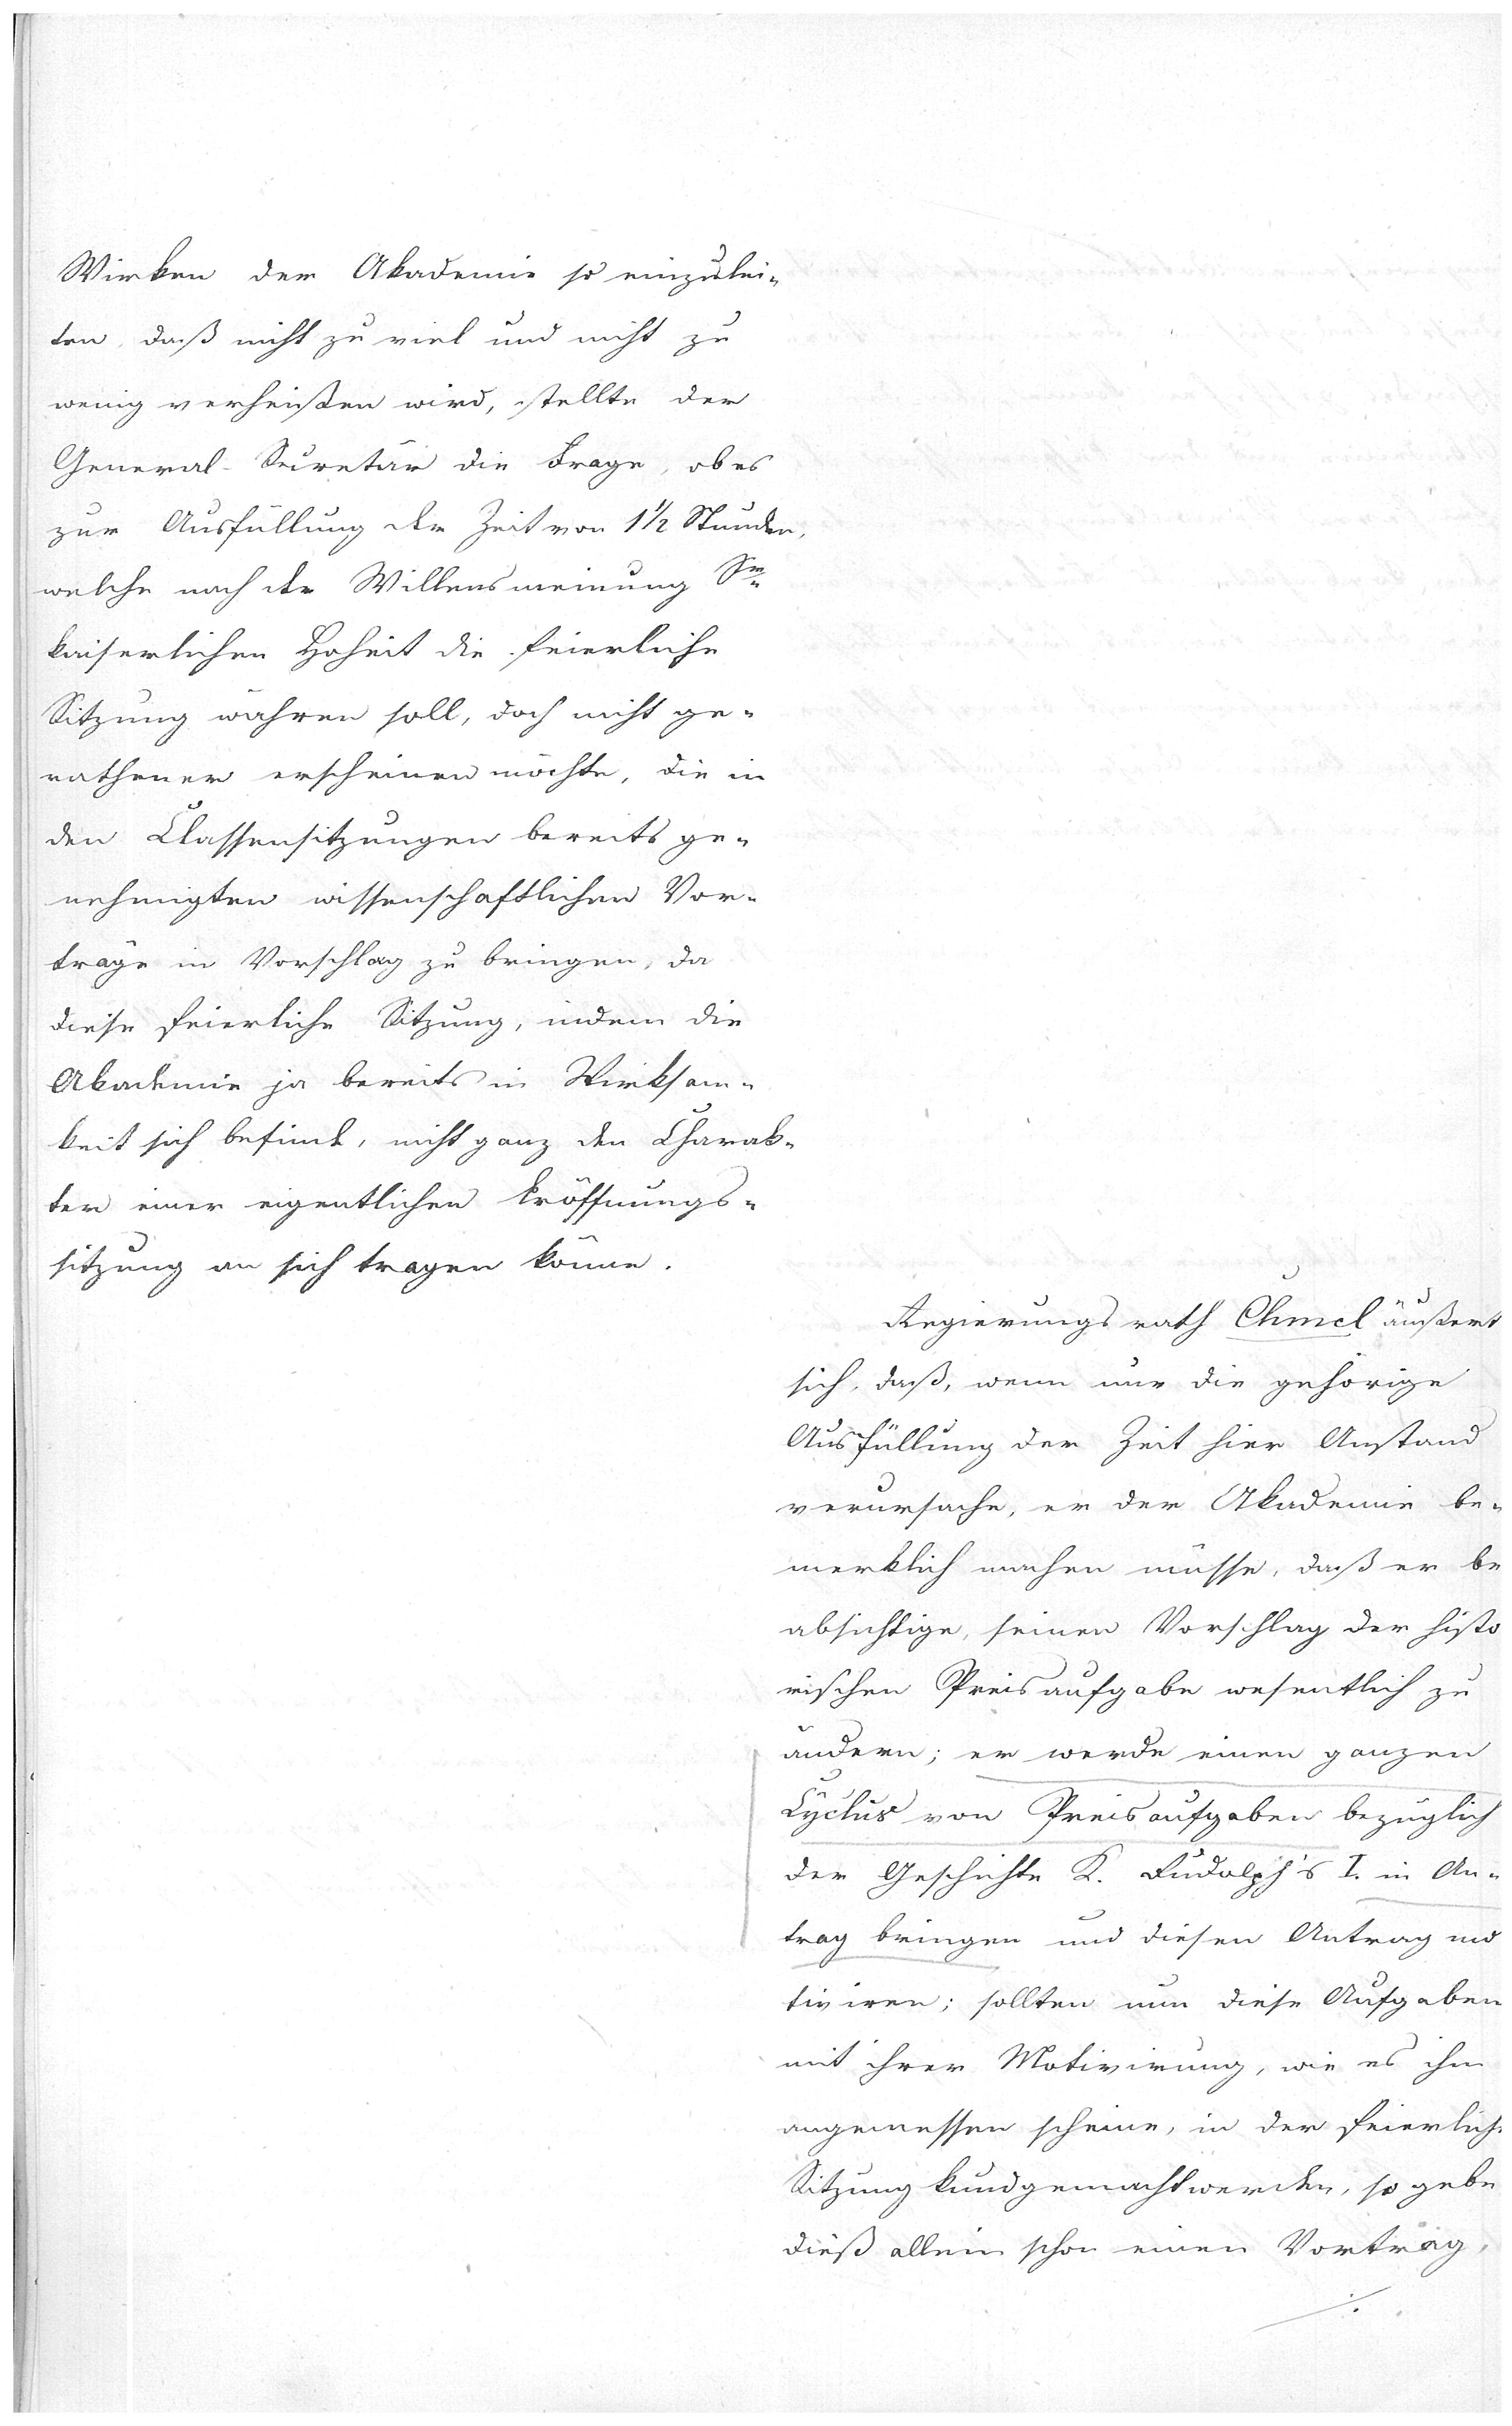Wirken der Akademie so einzulei-
ten, daß nicht zu viel und nicht zu
wenig verheißen wird, stellte der
General-Secretär dir Frage, ob es
zur Ausfüllung der Zeit von 1 1/2 Stunden,
welche nach der Willensmeinung Sr.
kaiserlichen Hoheit die feierliche
Sitzung währen solle, doch nicht ge-
rathener erscheinen möchte, die in
den Classensitzungen bereits ge-
nehmigten wissenschaftlichen Vor-
träge in Vorschlag zu bringen, da
diese feierliche Sitzung, indem die
Akademie ja bereits in Wirksam-
keit sich befindet, nicht ganz den Charak-
ter einer eigentlichen Eröffnungs-
sitzung an sich tragen könne.
Regierungsrath Chmel äußert
sich, daß, wenn nur die gehörige
Ausfüllung der Zeit hier Anstand
verursache, er der Akademie be-
merklich machen müsse, daß er be-
absichtige, seinen Vorschlag der histo-
rischen Preisaufgabe wesentlich zu
ändern, er werde einen ganzen
Cychis von Preisaufgaben bezüglich
der Geschäfte K. Rudolph's I. in An-
trag bringen unddiesen Antrag mo-
tiviren; sollten nun diese Aufgaben
mit ihrer Motivirung, wie es ihm
angemessen erscheine, in der feierlichen
Sitzung kundgemacht werden, so gebe
dieß allein schon einen Vortrag